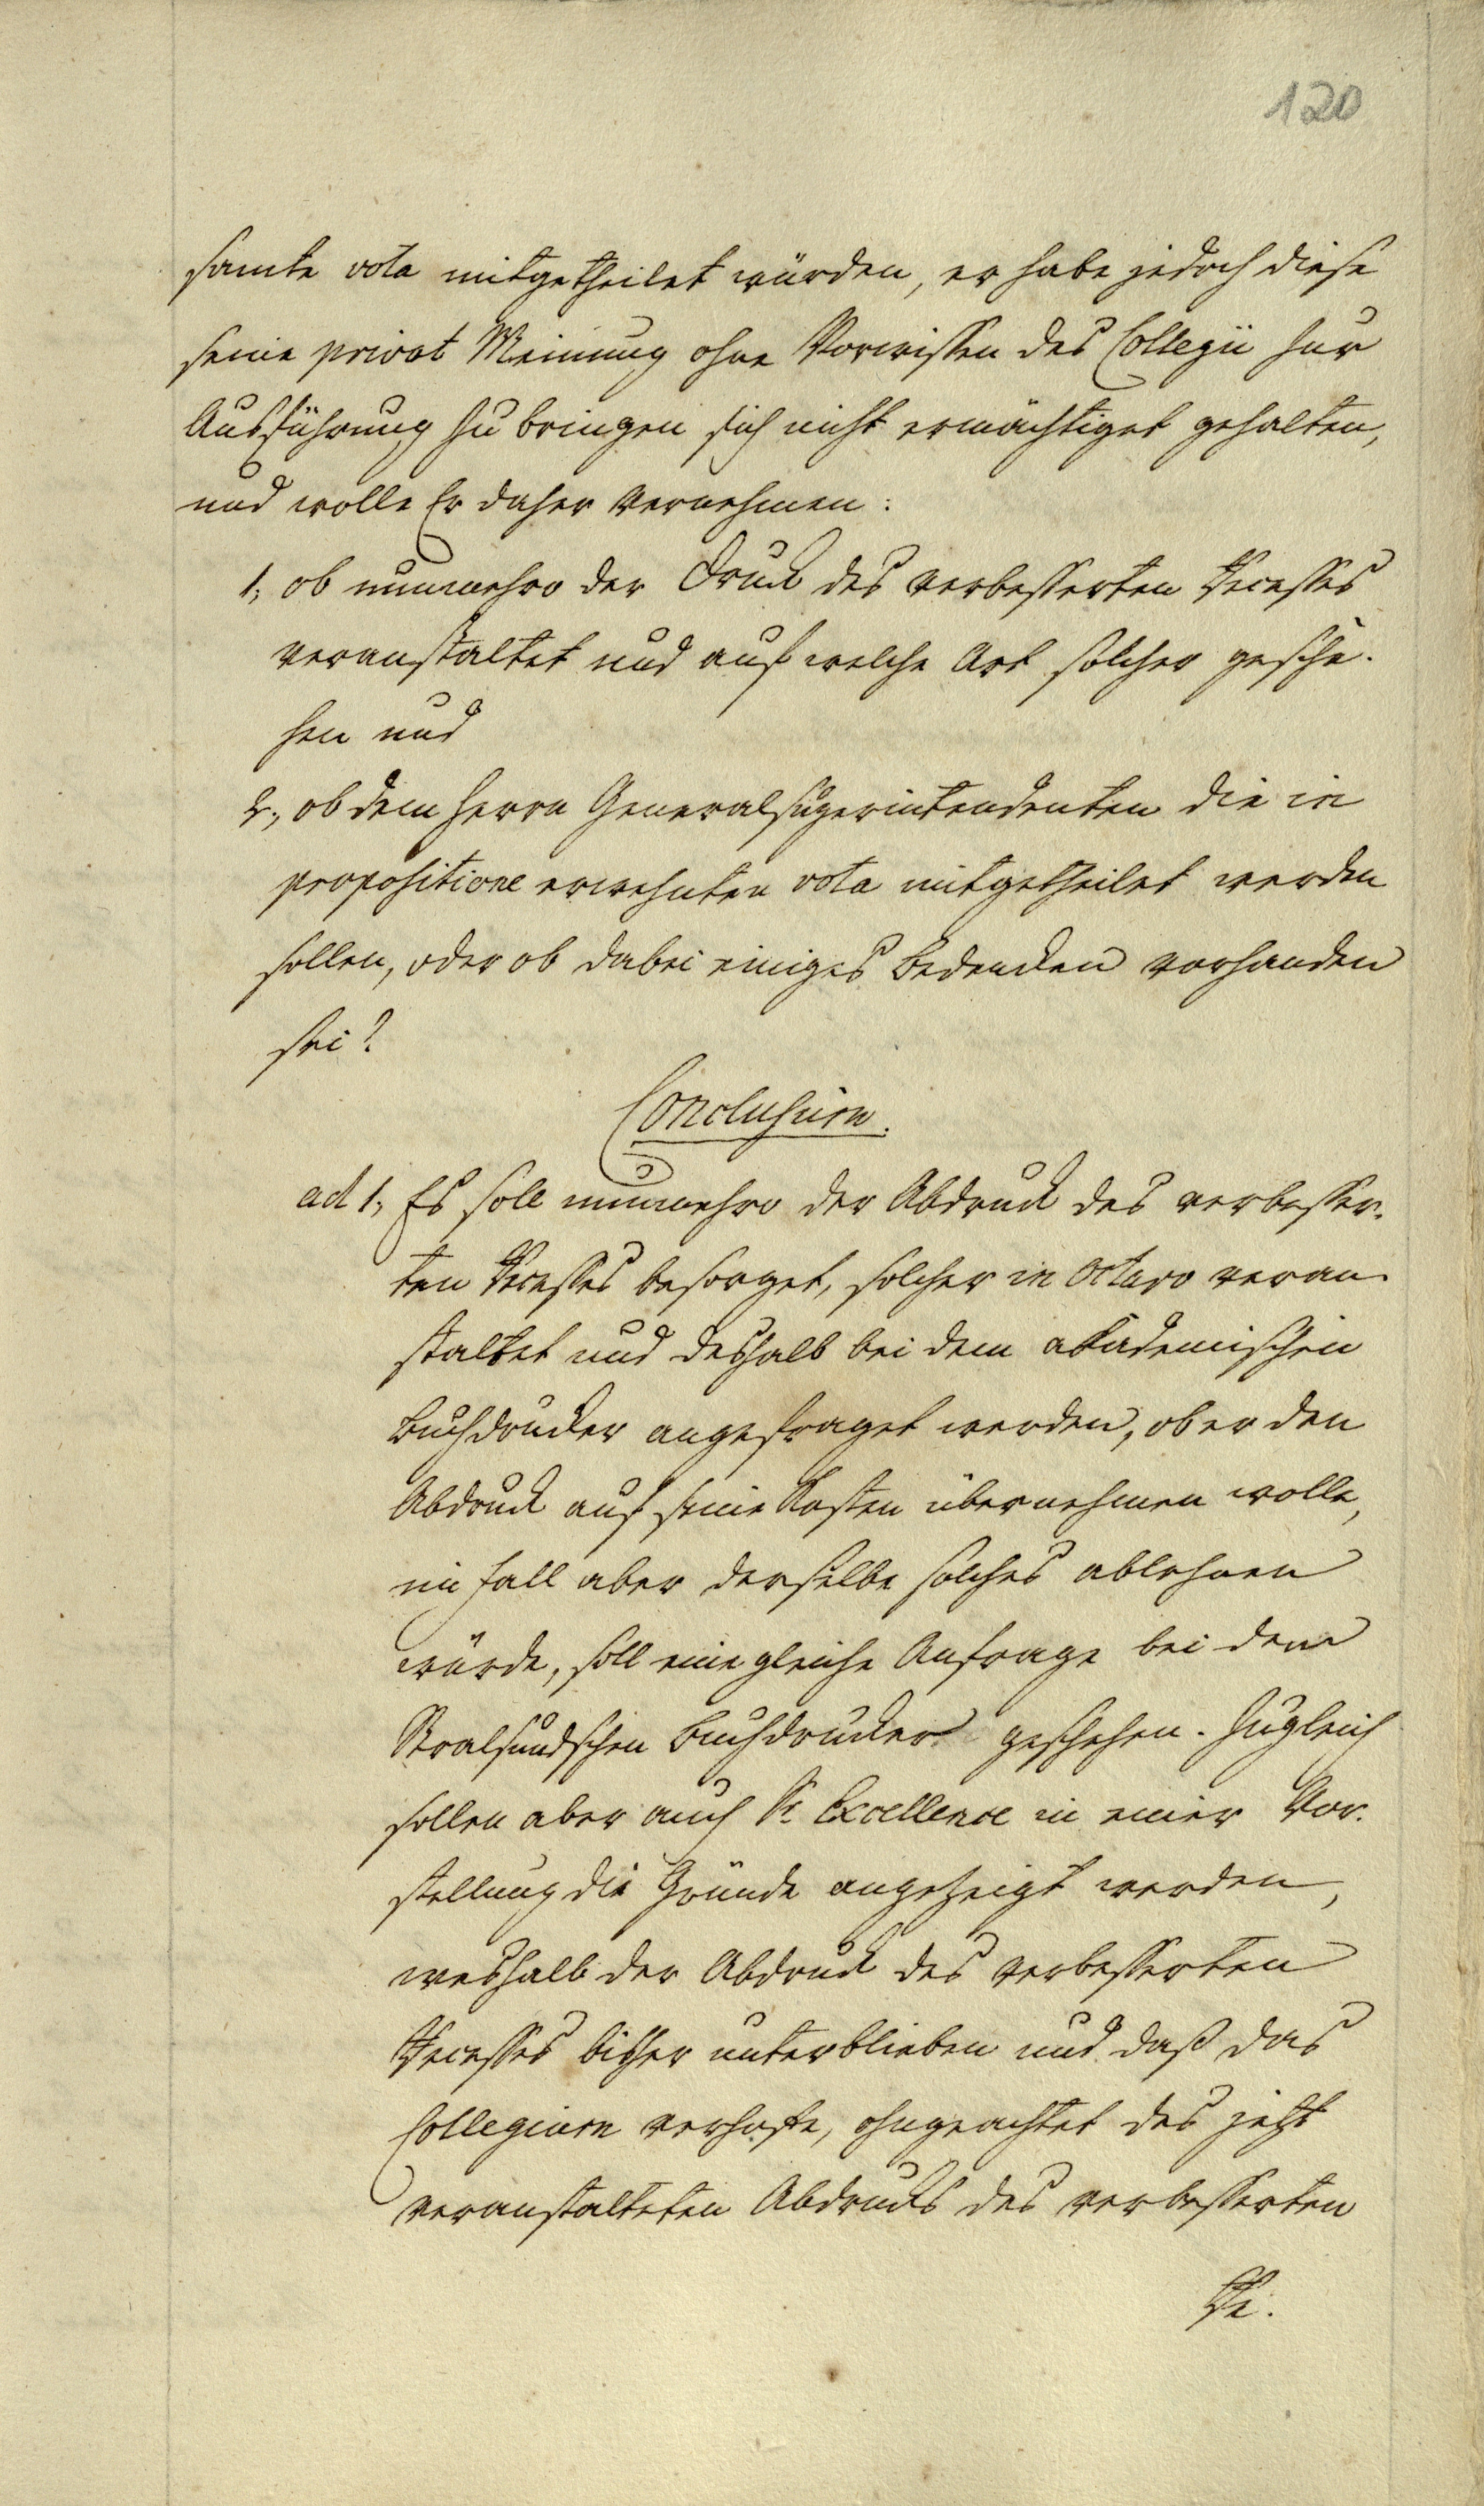samte vota mitgetheilet würden, er habe jedoch diese
seine privat Meinung ohne Vorwissen des Collegii zur
Ausführung zu bringen sich nicht ermächtiget gehalten,
und wolle Er daher vernehmen:
1, ob nunmehro der Druck des verbesserten Recesses
veranstaltet und auf welche Art solches gesche¬
chen und
2., ob dem Herrn Generalsuperintendenten die in
propositione erwehnten vota mitgetheilet werden
sollen, oder ob dabei einiges Bedencken vorhanden
sei?
Conclusum.
ad 1, Es soll nunmehro der Abdruck des verbesser¬
ten Recesses besorget, solcher in octavo veran¬
staltet und deshalb bei dem akademischen
Buchdrucker angefraget werden, ob er den
Abdruck auf seine Kosten übernehmen wolle,
im Fall aber derselbe solches ablehnen
würde, soll eine gleiche Anfrage bei dem
Stralsundschen Buchdrucker geschehen. Zugleich
sollen aber auch Sr Excellence in einer Vor¬
stellung die Gründe angezeigt werden,
weshalb der Abdruck des verbesserten
Recesses bisher unterblieben und daß das
Collegium verhoffe, ohngeachtet des jetzt
veranstalteten Abdrucks des verbesserten
Re